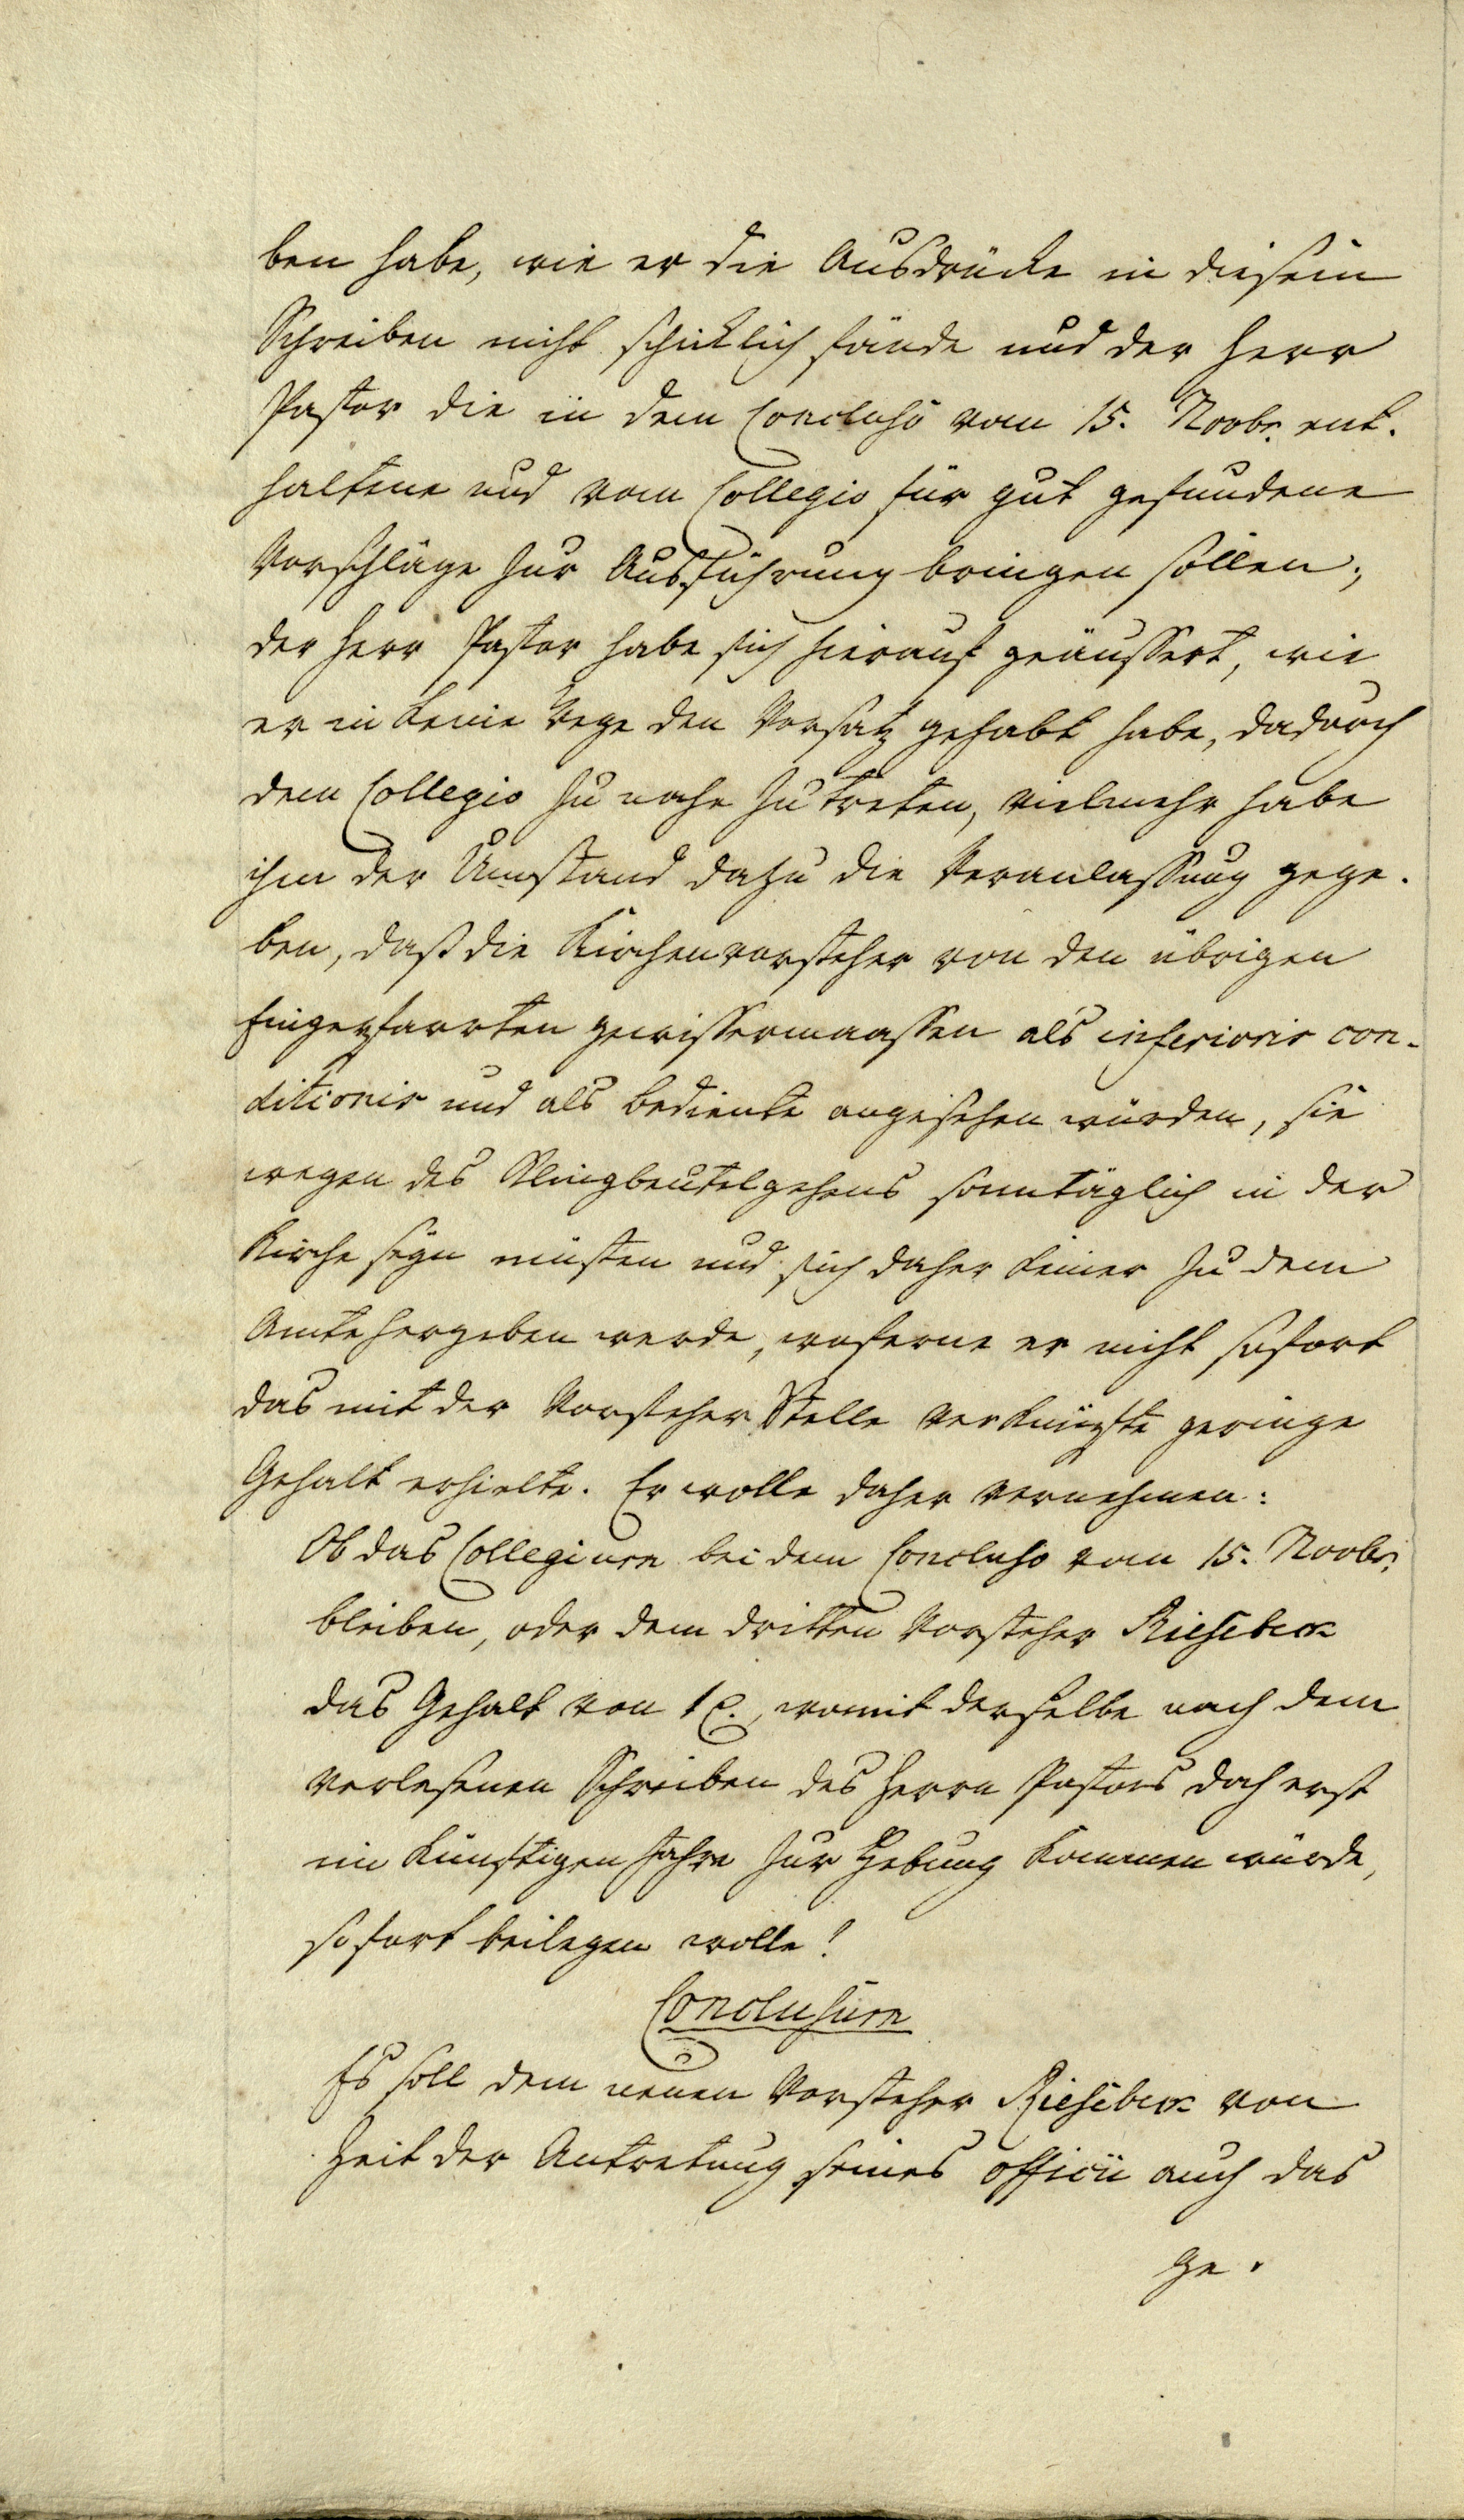ben habe, wie er die Ausdrücke in diesem
Schreiben nicht schicklich fände und der Herr
Pastor die in dem Concluso vom 15. Novbr. ent¬
haltene und vom Collegio für gut gefundene
Vorschläge zur Ausführung bringen sollen,
der Herr Pastor habe sich hierauf geäussert, wie
er in keine Wege den Vorsatz gehabt habe, dadurch
dem Collegio zu nahe zu treten, vielmehr habe
ihm der Umstand dazu die Veranlassung gege¬
ben, daß die Kirchenvorsteher von den übrigen
Eingepfarrten gewissermaassen als inferioris con¬
ditionis und als Bediente angesehen würden, sie
wegen des Klingbeutelgehens sonntäglich in der
Kirche seÿn müssten und sich daher keiner zu dem
Amte hergeben werde, woferne er nicht sofort
das mit der Vorsteher Stelle verknüpfte geringe
Gehalt erhielte. Er wolle daher vernehmen:
Ob das Collegium bei dem Concluso vom 15. Novbr.
bleiben, oder dem dritten Vorsteher Riesebeck
das Gehalt von 1 l, womit derselbe nach dem
verlesenen Schreiben des Herrn Pastors doch erst
im künftigen Jahre zur Hebung kommen würde,
sofort beilegen wolle?
Conclusum
Es soll dem neuen Vorsteher Riesebeck von
Zeit der Antretung seines officii auch das
Ge¬